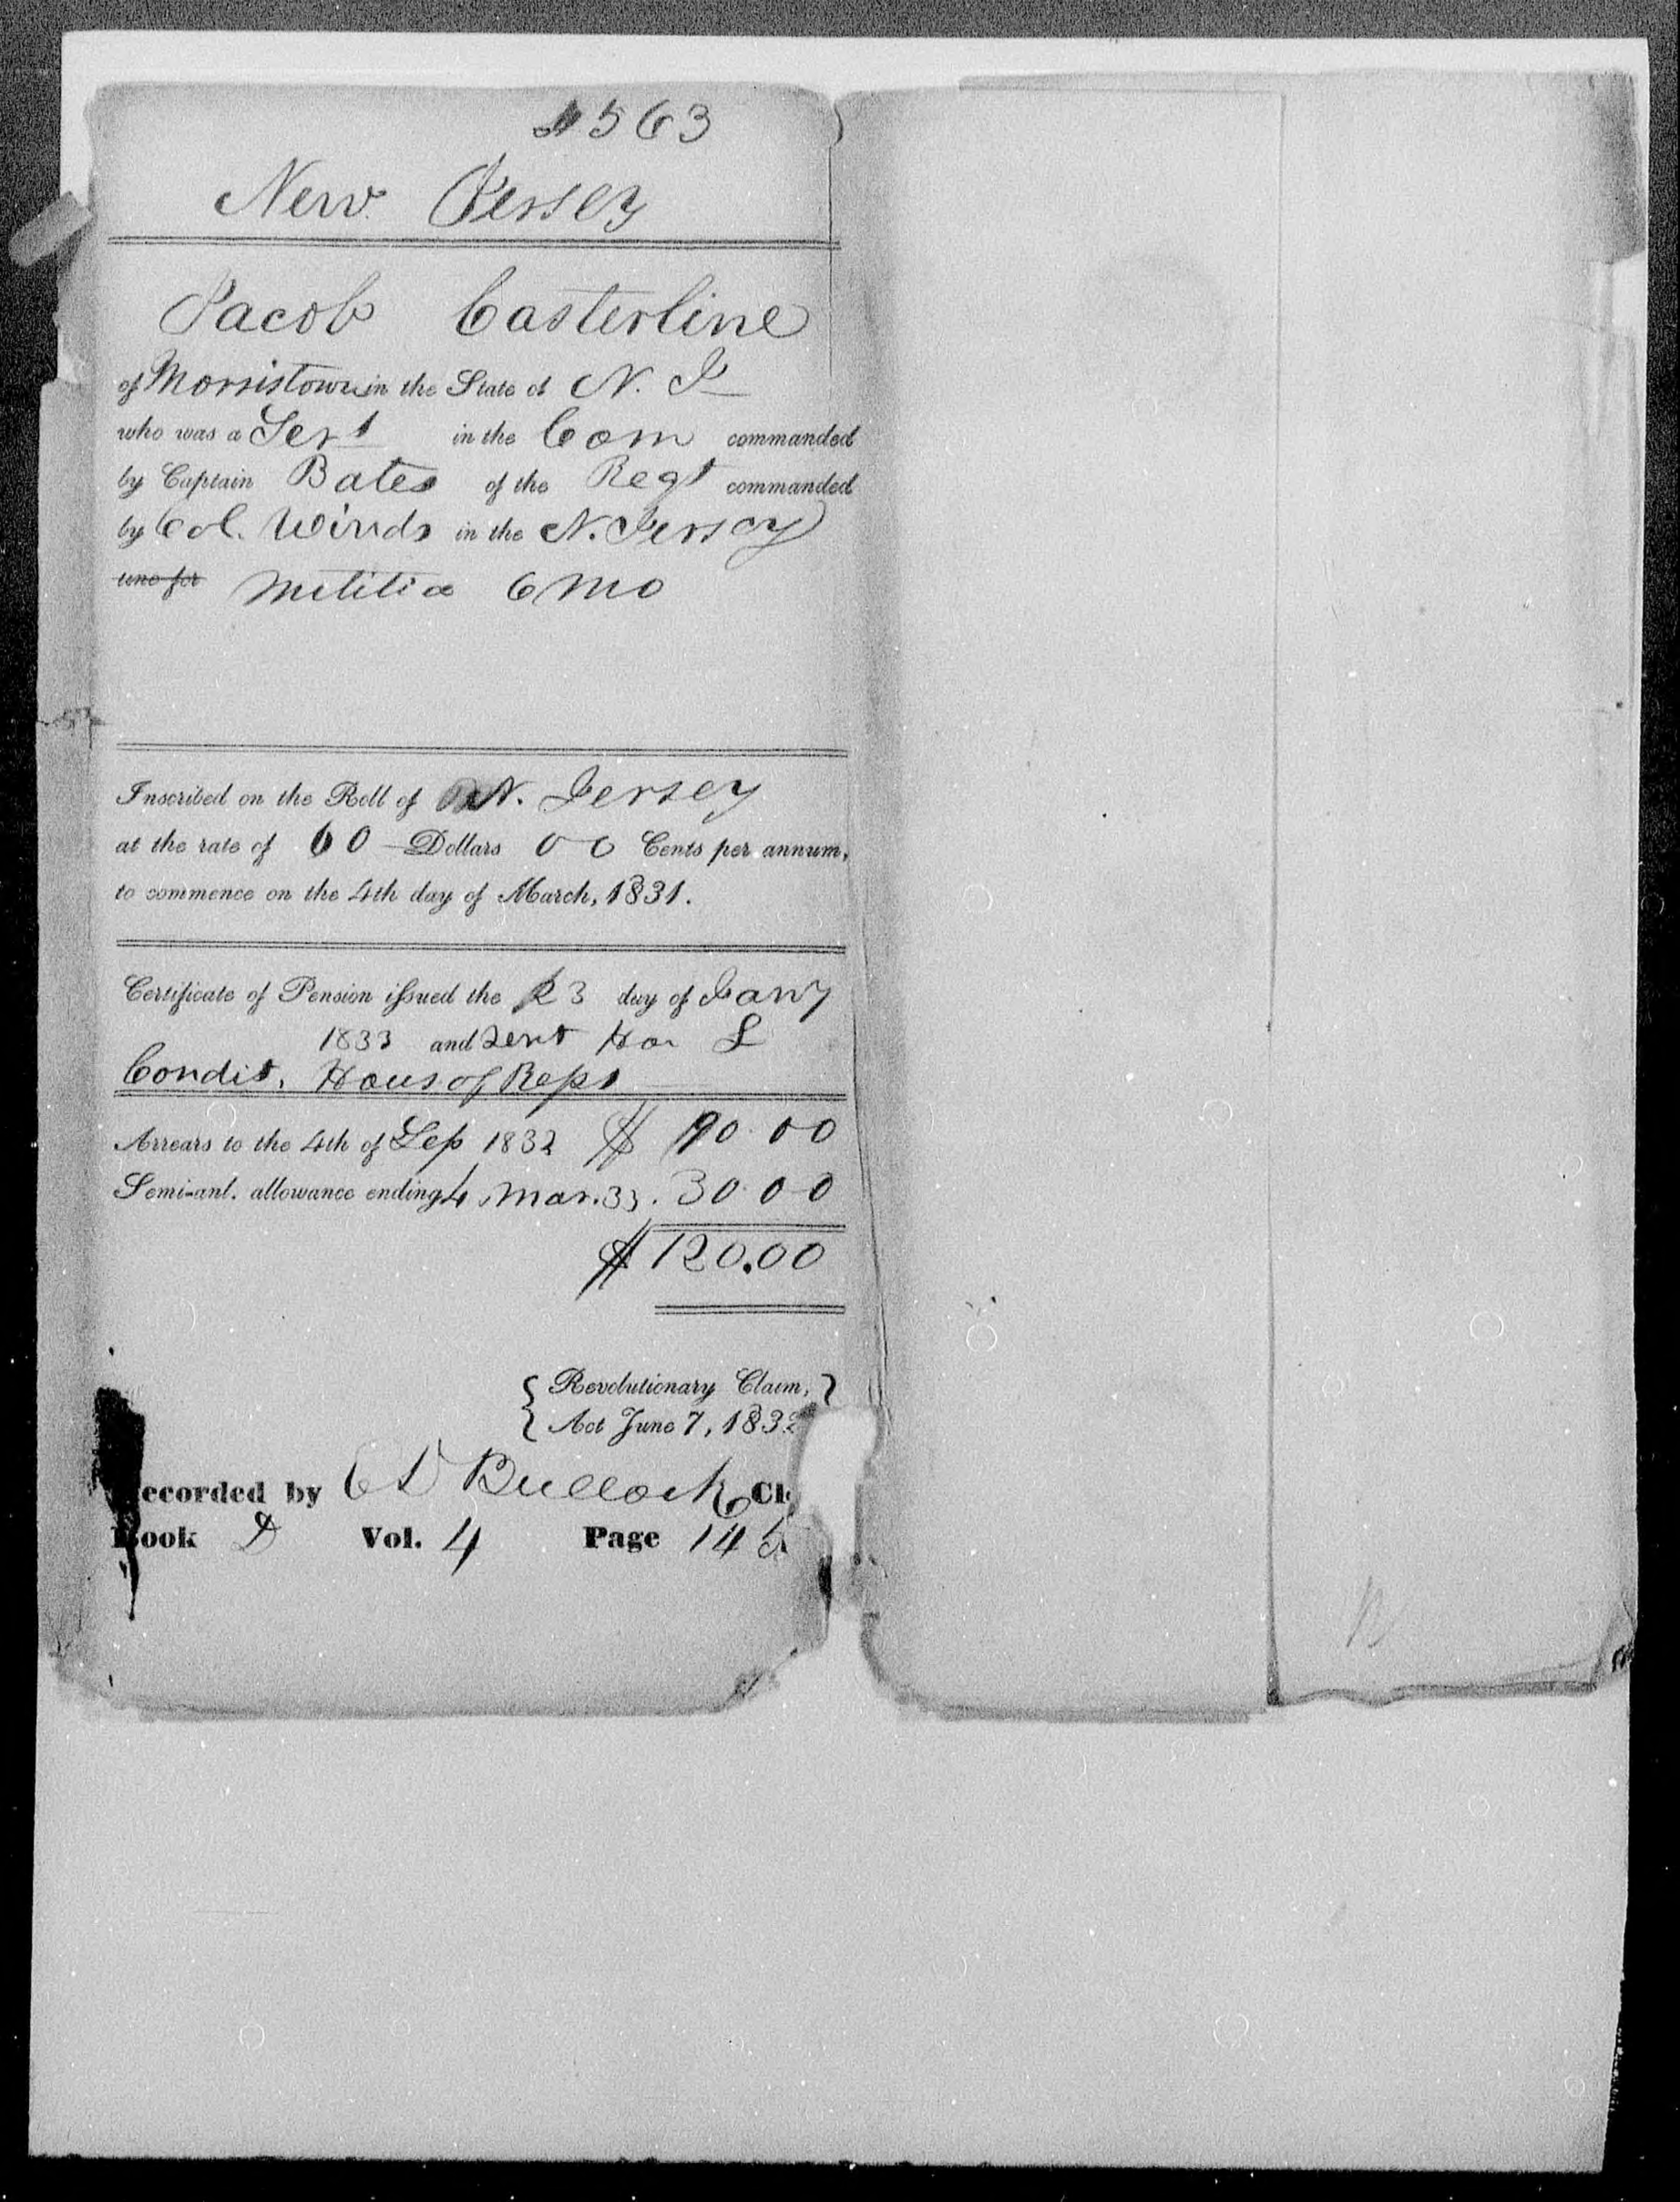563
New Jersey
Jacob Casterline of Morristown in the state of N. J. who was a Les in the Com commanded by Captain Bates of the Reg commanded by Col. Winds in the N. Jersey militia 6 mo

Inscribed on the Roll of N. Jersey at the rate of 60 Dollars 00 Cents per annum, to commence of the 4th day of March, 1831.

Certificate of Pension issued the 23 day of January 1833 and sent Hon. L. Condit, House of Reps.

Arrears to the 4th of Sep. 1832 $90.00
Semi-anl. allowance ending 4 Mar 33  $30.00
                                                     $120.00

                             {Revolutionary Claim}
                             {Act June 7, 1832}

Recorded by E D Bulloch 
Book D  Vol. 4  Page 145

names: Bates, Winds, E D Bullock, Jacob Casterline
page: 2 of 38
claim: widow's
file: W. 6644, Jacob Casterline, New Jersey